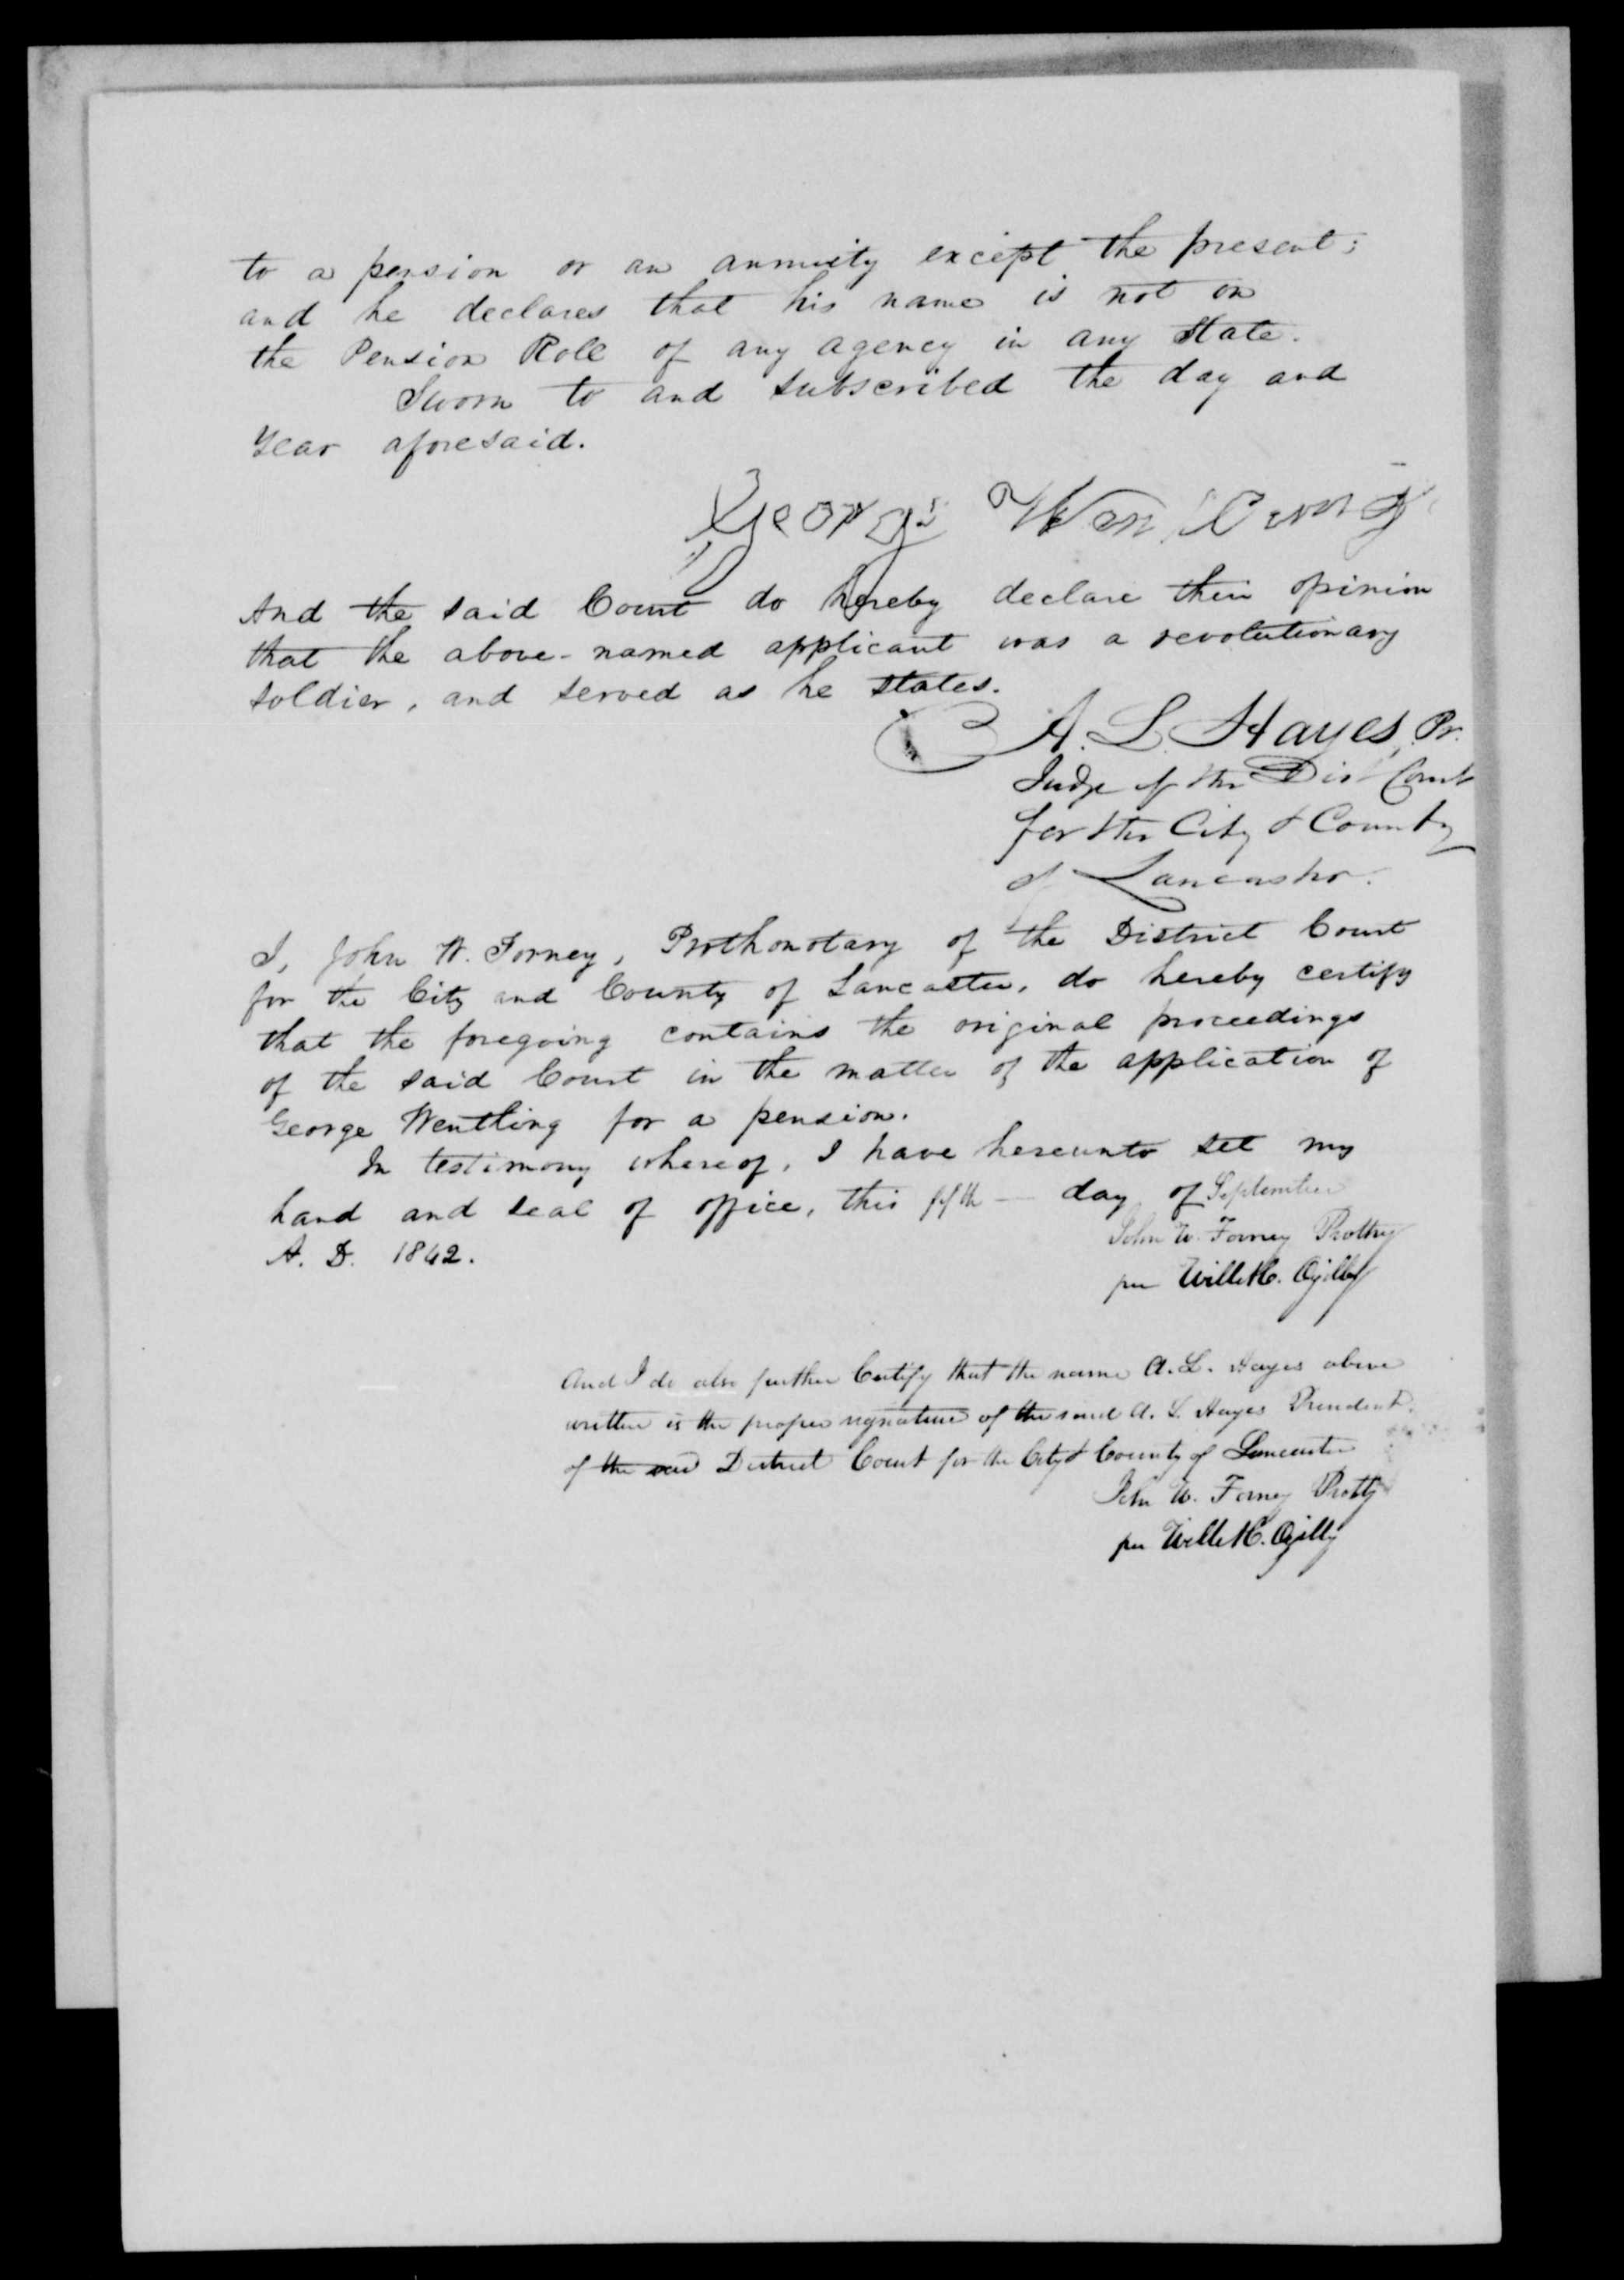to a pension or an annuity except the present; and he declares that his name is not on the Pension Role of any agency in any State
Sworn to and subscribed the day and year aforesaid.
George Wentling

And the said Court do hereby declare their opinion that the above named applicant was a revolutionary soldier, and served as he states.
A. L. Hayes Pr. 
Judge of the Dist. Court
for the City & County 
of Lancaster.

I, John W. Forney, Prothonotary of the District Court for the City and County of Lancaster,  do hereby certify that the foregoing contains the original proceedings of the said Court in the matter of the application of George Wentling for a pension.
In testimony whereof, I have hereunto set my hand and seal of office, this fifth ___ day of September A.D. 1862
John W Forney Prothy
for Willet C. Ogilly

And I do also further Certify that the name A. L. Hayes above written in the proper signature of the said A. L. Hayes President of the District Court for the City & County of Lancaster.
John W Forney Prothy
for Willet C. Ogilly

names: George Wentling, John W Torney, Wille H Gilly, A L Hayes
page: 5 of 68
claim: survivor's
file: S. 6,358, George Wentling, Penn.